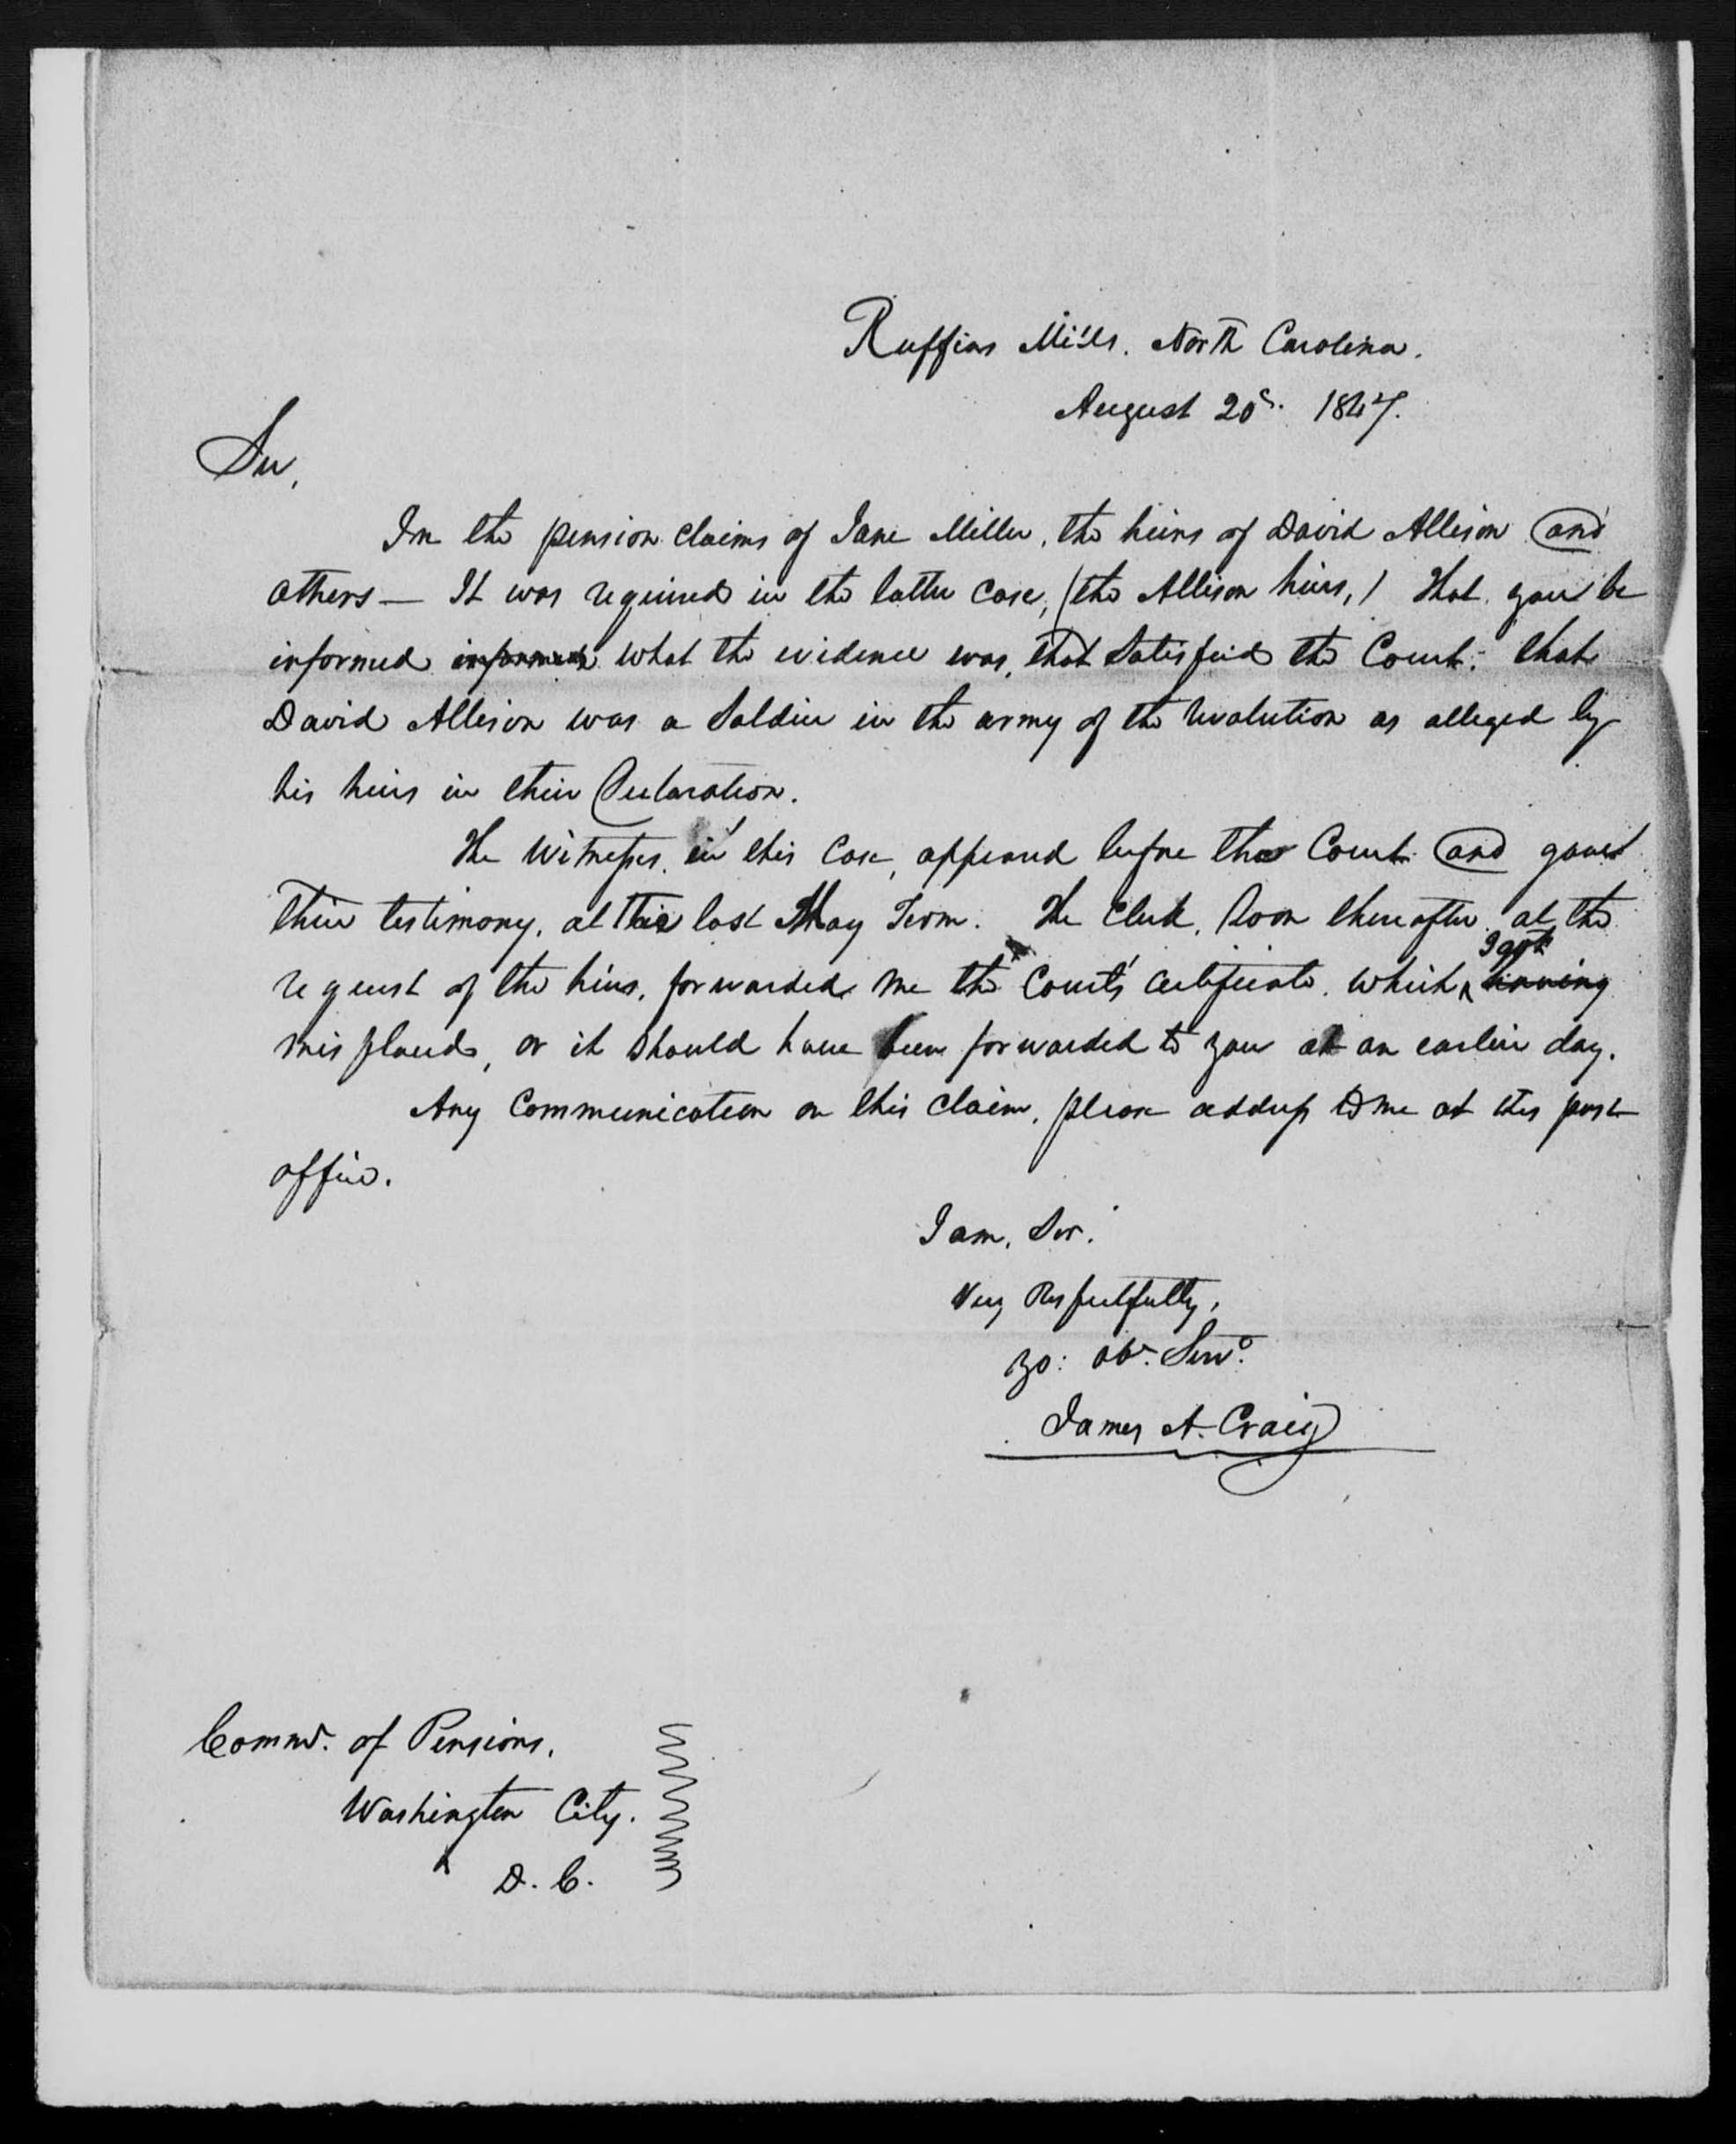Ruffin Mills. North Carolina
August 20th 1847
Sir, 
In its pension claims of Jane Miller, the heirs of David Allison and others- It was required in its latter care,( the Allison heirs) that you be informed what the evidence was, that satisfied the Court. that David Allison was a solider in its army of the Revolution as alleged by his heirs in their Decleration. 
The witnesses in this case appeared before that Court and gave their testimony of the last May Term. The clerk soon thereafter at the request of the heirs, forwarded me the court certificate which I go misplaced, or it should have been forwarded to you at an earlier day.
Any Communication on this claim, please [illegible] to me at this [illegible].

I am, Sir
Very Respectfully, 
Your obt serv
James A. Craig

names: David Allison, Jane Miller, James A Craig, David Allison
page: 33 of 33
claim: rejected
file: R. 155, David Allison, N.C.